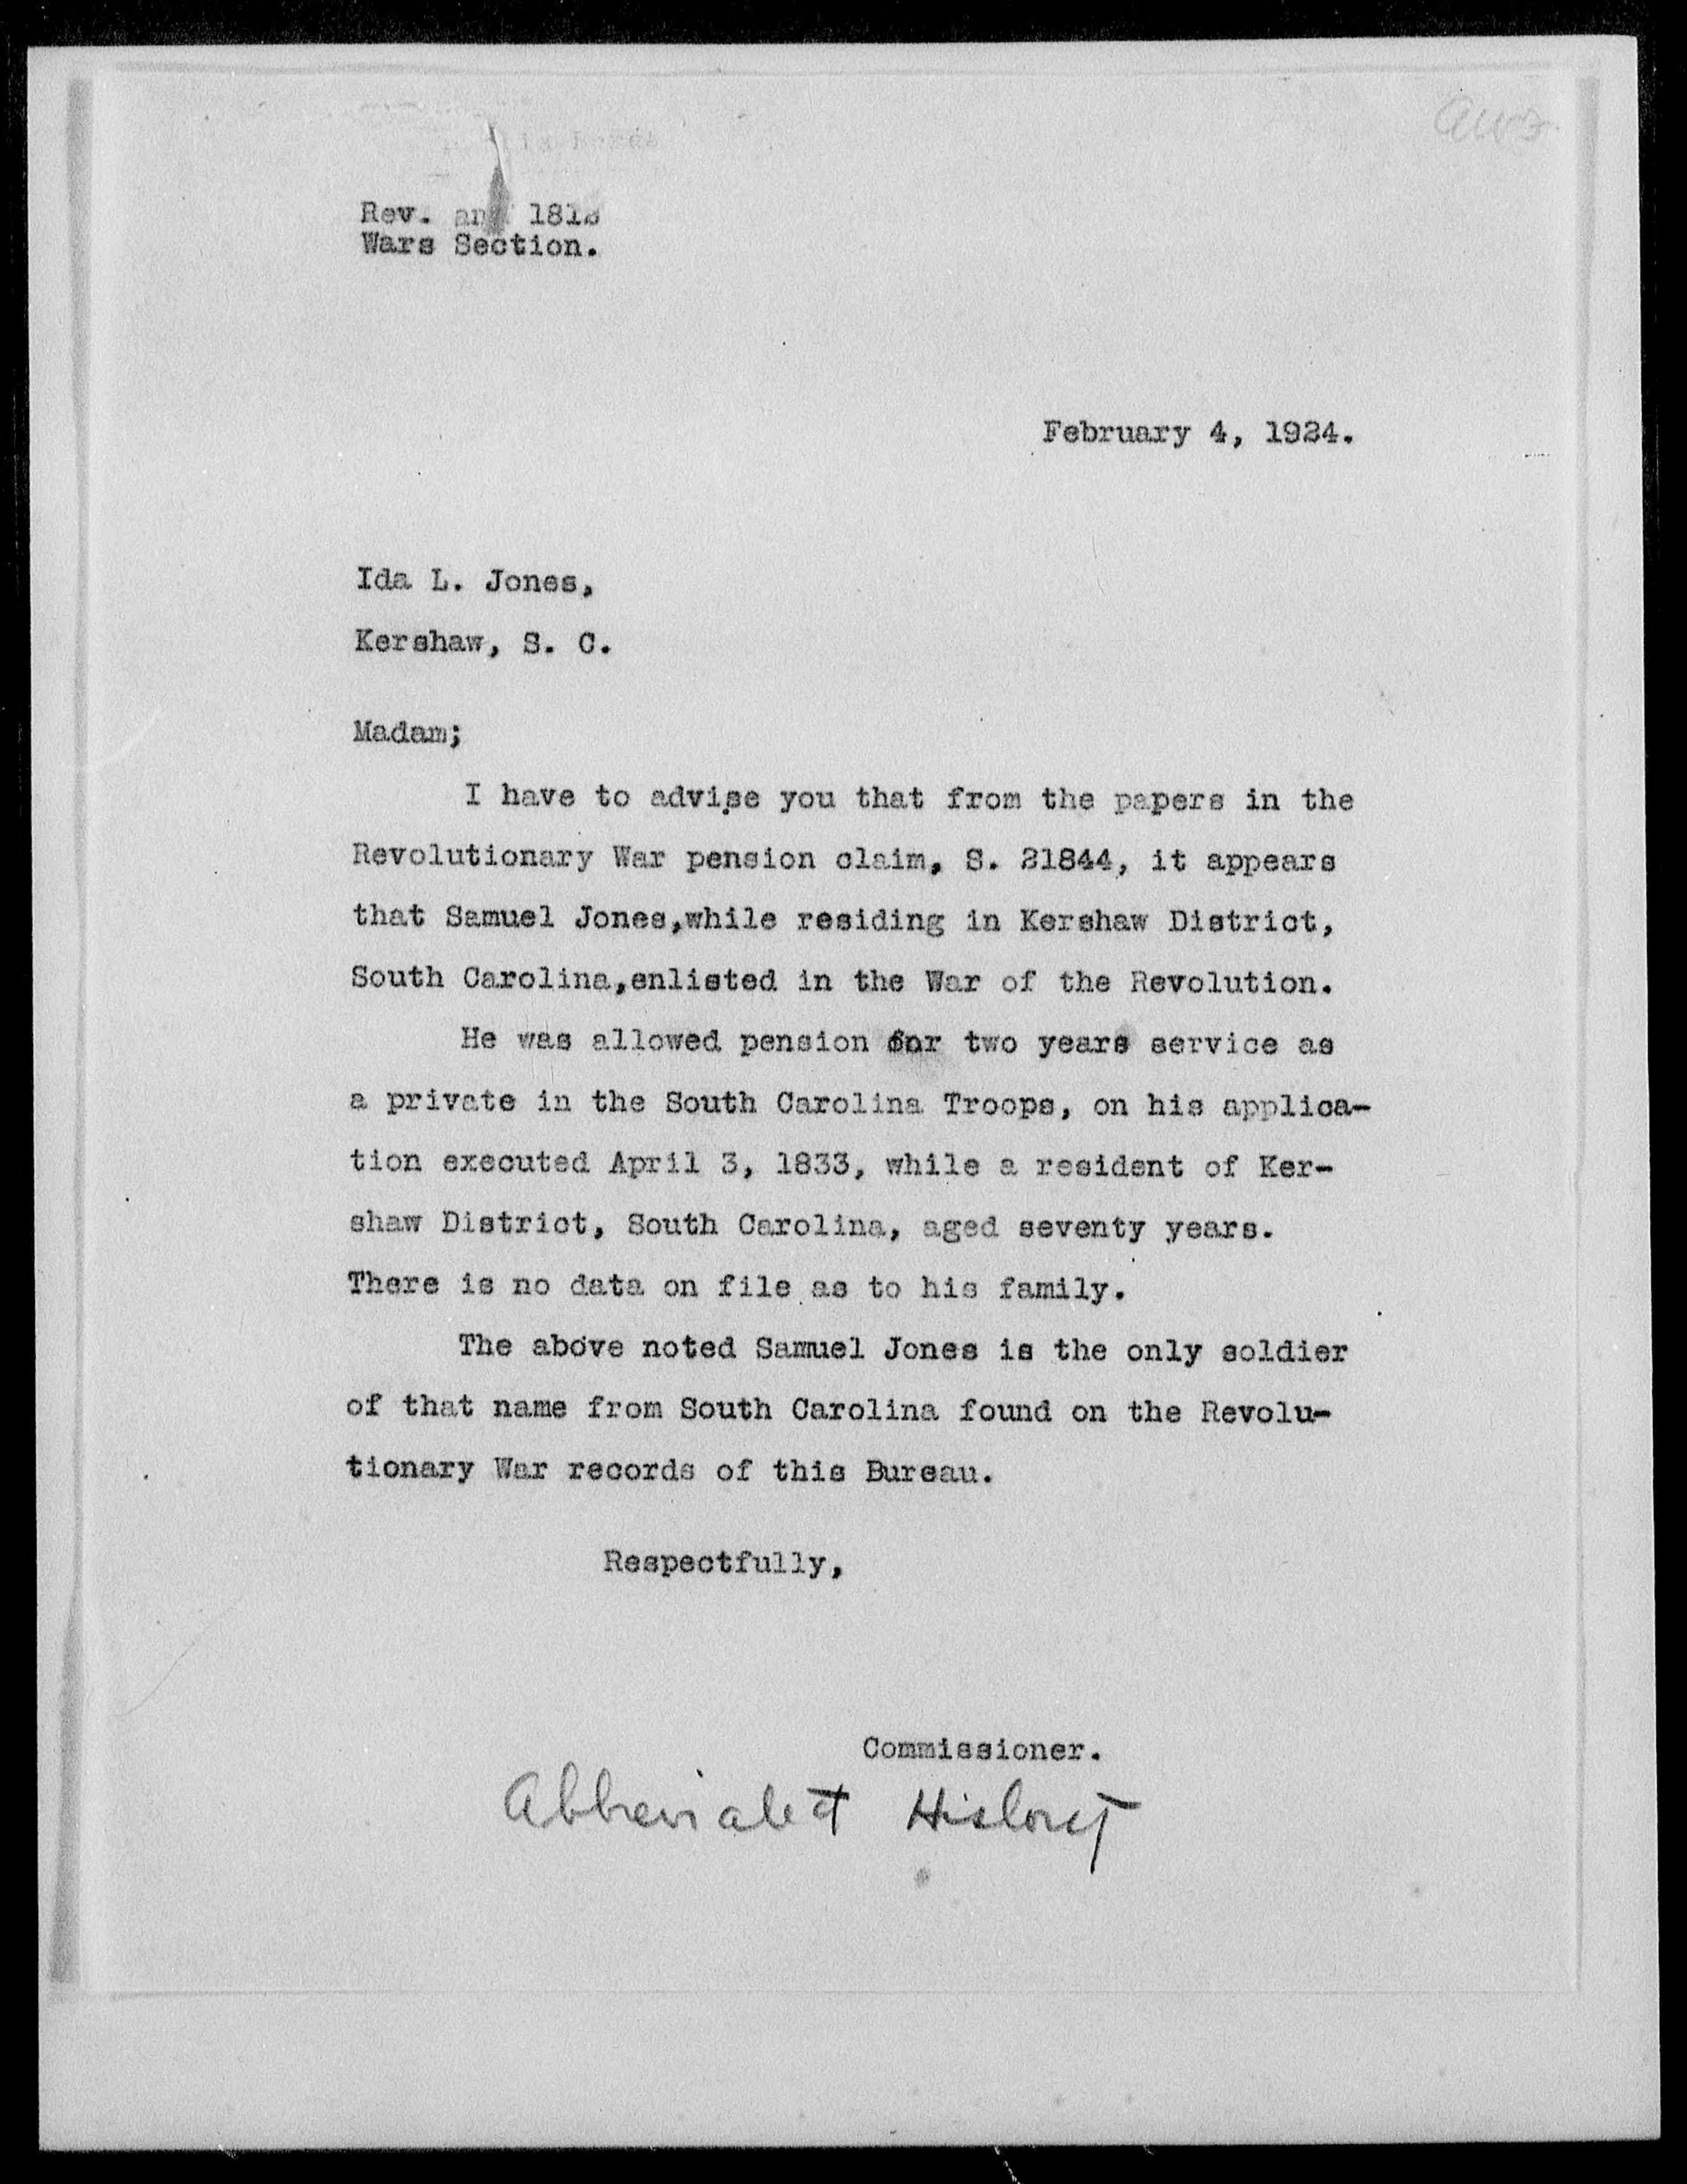Rev. and 1812 
Wars Section. 
February 4, 1924.
Ida L. Jones, 
Kershaw, S. C. 
Madam;  I have to advise you that from the papers in the Revolutionary War pension claim, S. 21844, it appears that Samuel Jones, while residing in Kershaw District, South Carolina, enlisted in the War of the Revolution. 
He was allowed pension for two years service as a private in the South Carolina Troops, on his application executed April 3, 1833, while a resident of Kershaw District, South Carolina, aged seventy years. There is no data on file as to his family. 
The above noted Samuel Jones is the only soldier of that name from South Carolina found on the Revolutionary War records of this Bureau. 
Respectfully, 
Commissioner. 
Abbevialect History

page: 28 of 28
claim: survivor's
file: S. 21844, for Samuel Jones, South Carolina